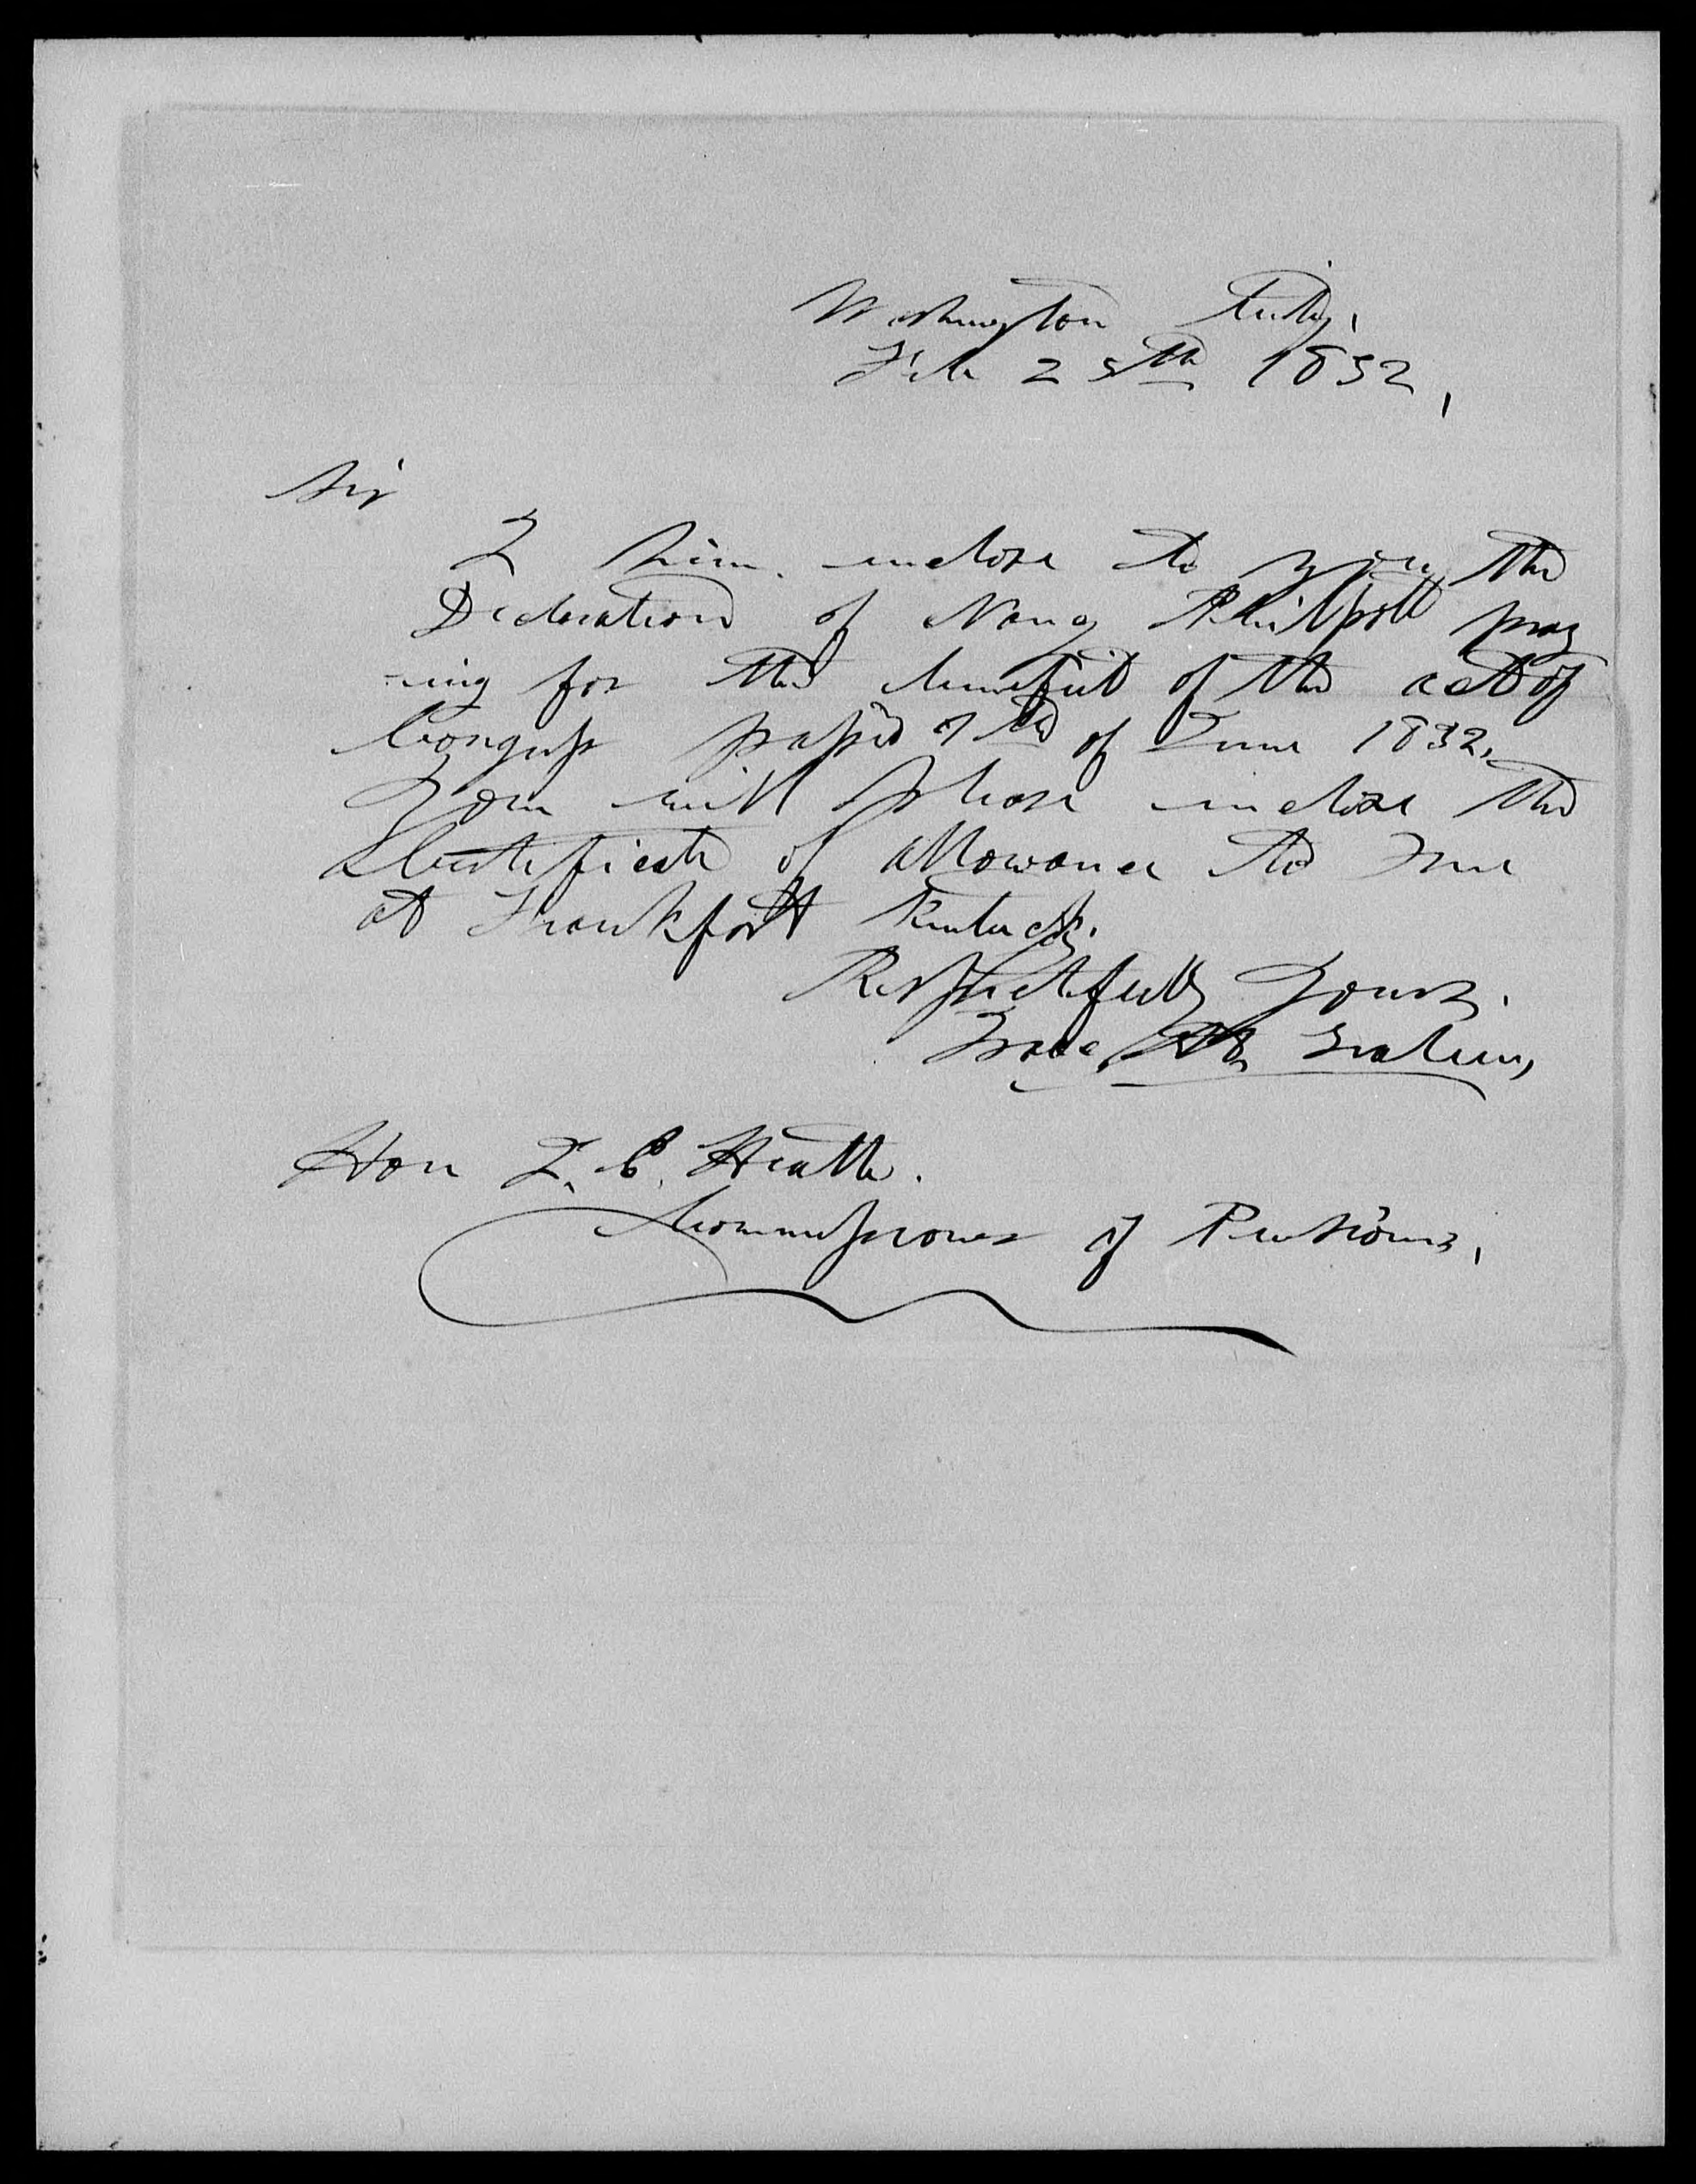Washington City
Feb 25th 1852
Sir I herein enclose to you the
Declaration of Nancy Philpott
praying for the benefit of the act of
Congress passed 7 of Jun 1832.
you will please enclose the Certificate  of allowance to me at Frankfort
Kentucky
Respectfully yours
Isaac H Trabue

Hon J.E Heath
Commissioner of Pensions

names: J E Heath; Isaac H Trabue; Nancy Philpott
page: 24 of 43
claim: rejected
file: R. 8217, for Thomas Philpot, South Carolina